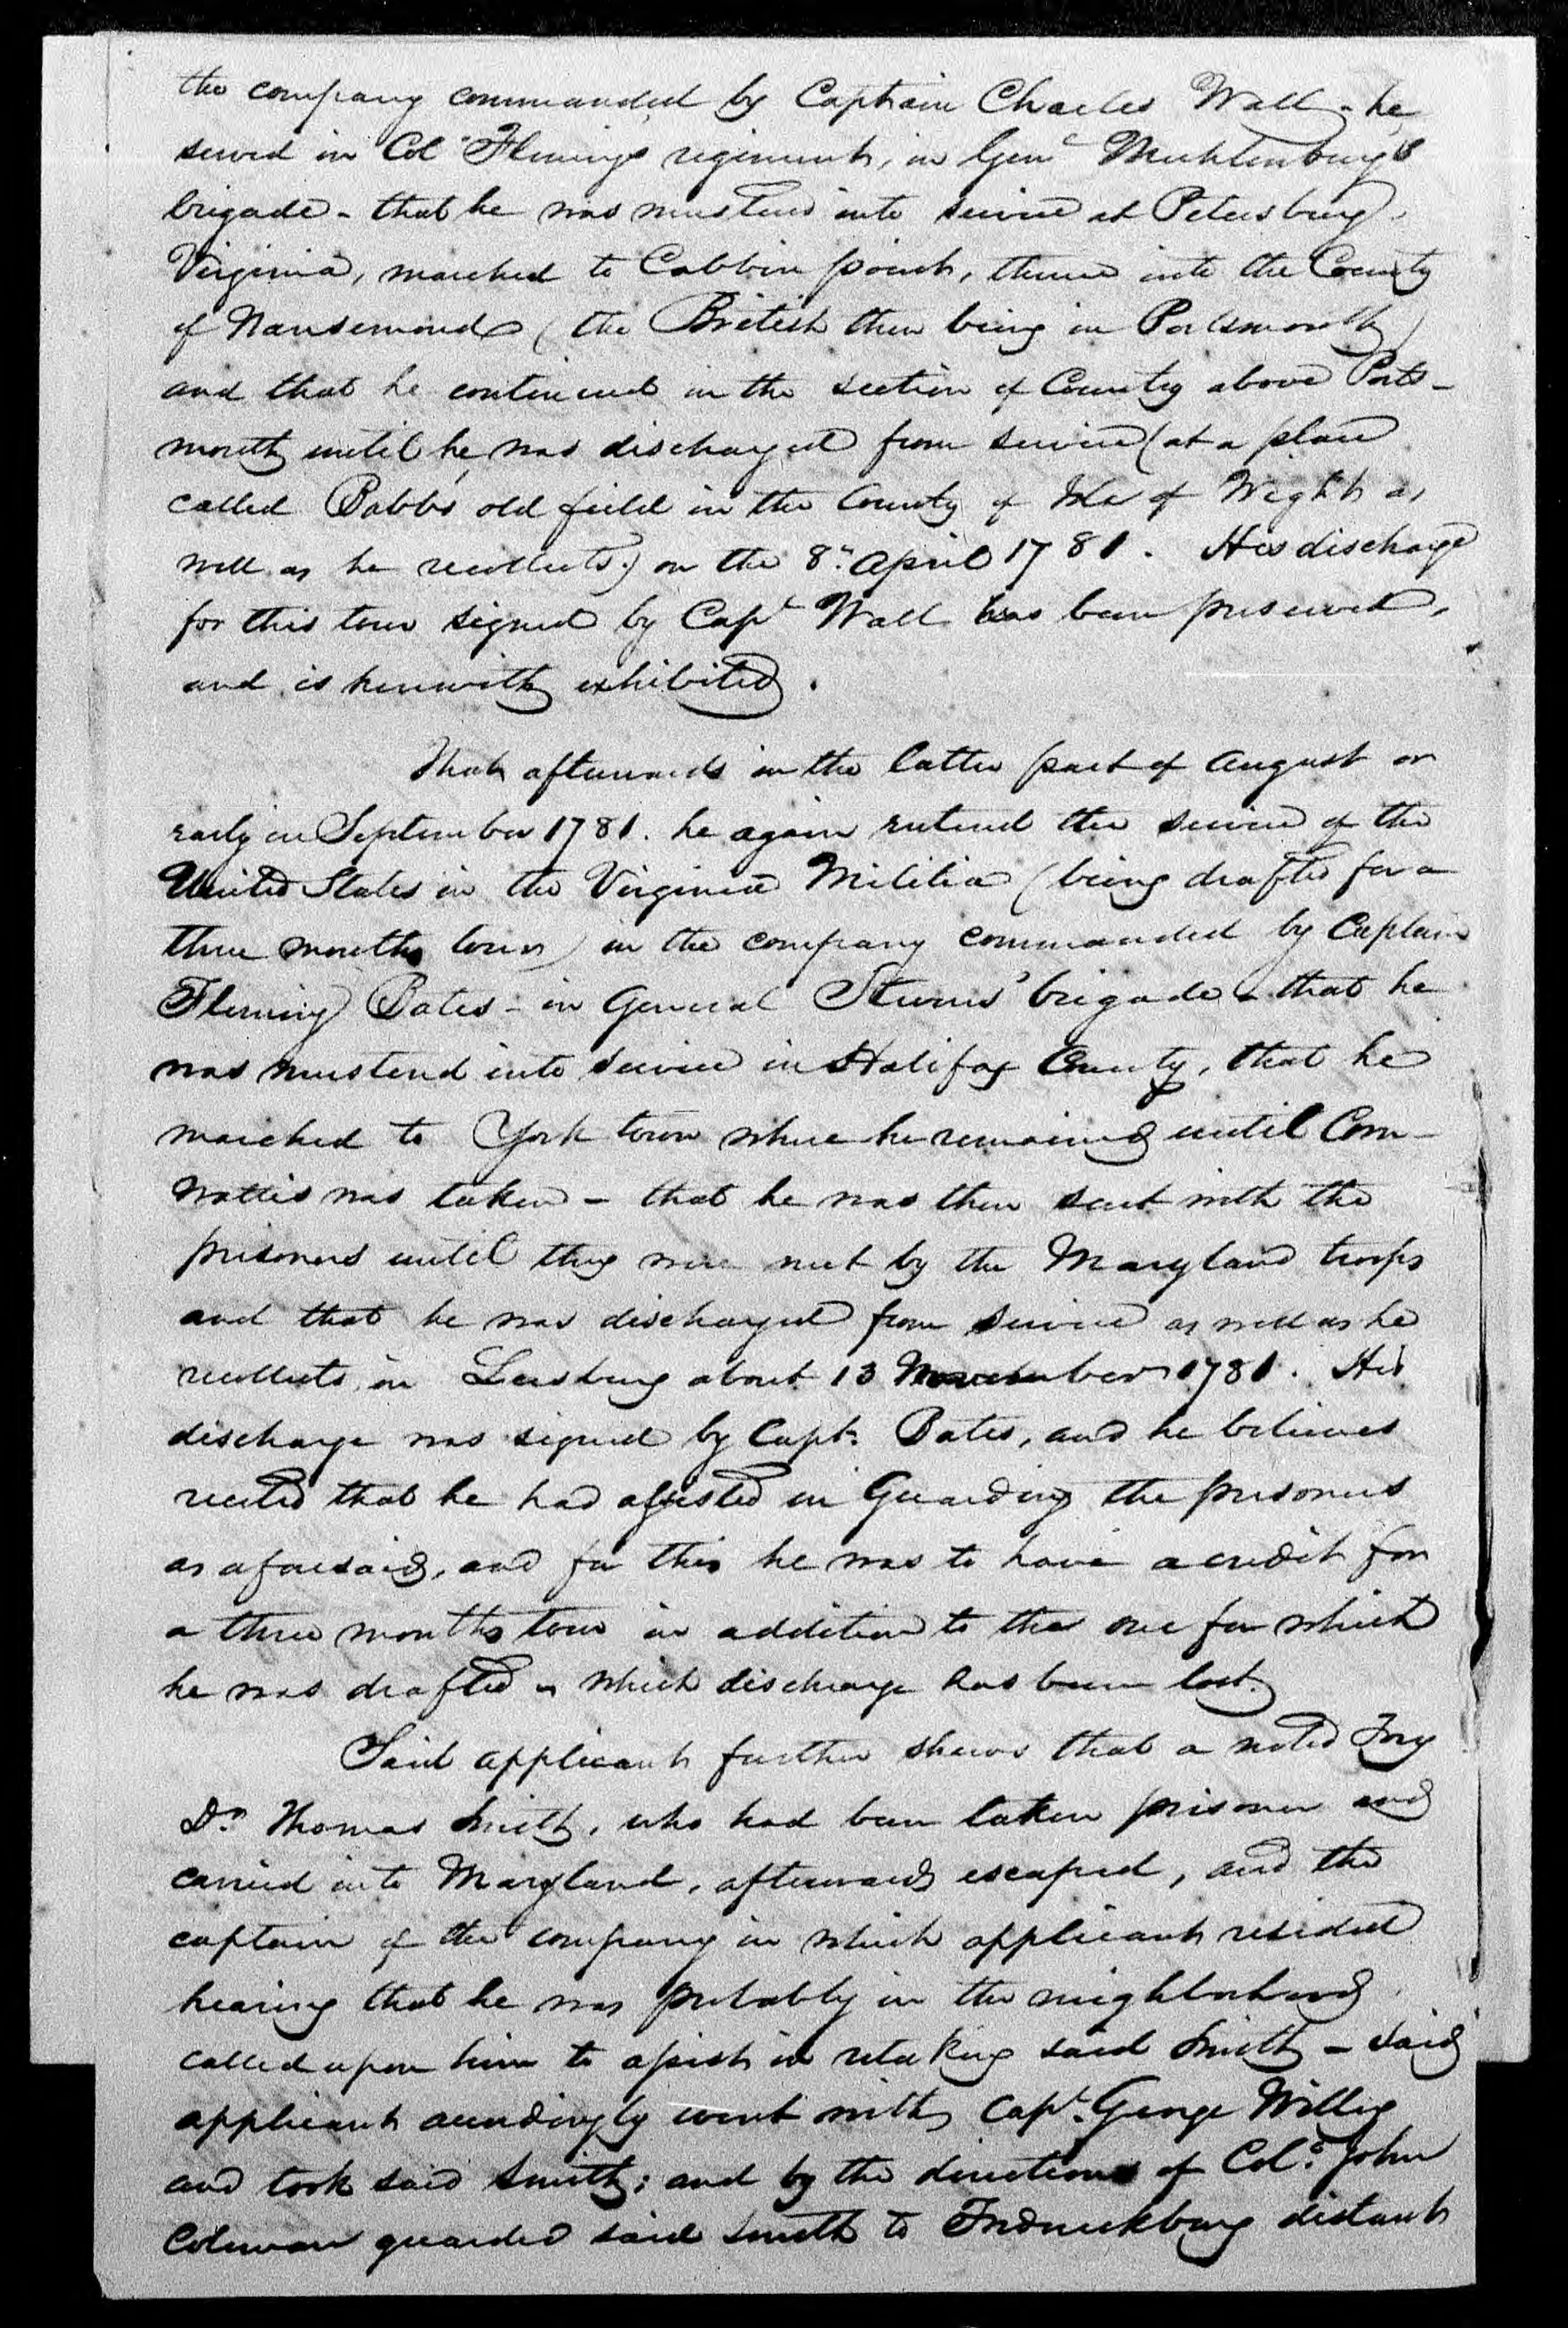the company commanded by Captain Charles Wall, he served in Col. Fleming's regiment, in General Muhlenberg's brigade, that he was mustered into service at Petersburg, Virginia, marched to Cabbin point, thence into the County  of Nansemond (the British then being in Portsmouth and that he continued in the section of County above Portsmouth until he was discharged from service at a place called Bobb's old field in the County of Isle of Wight as he recollects on the 8th April 1781.  His discharge for this term signed by Capt. Wall has been present, and is herewith exhibited
That afterwards in the latter part of August or early in September 1781 he again returned the service of the United States in the Virginia Militia (being drafted for a three months term) in the company  commanded by Captain Fleming Bates - in General Steven's brigade and that he was mustered into service in Halifax County, that he marched to Yorktown where he remained until Cornwallis was taken - that he was then sent with the prisoners until they were met by the Maryland troops and that he was discharged from service as well as he recollects in Leesburg about 13 November 1781.  His discharge was signed by Capt. Bates, and he believes ?  that he had assisted in Guarding the prisoners as aforesaid, and for this he was to have a credit for a three months tour in addition to the one for which he was drafted  in which discharge has been lost.
Said applicant further shows that a  noted Tory Dr. Thomas Smith, who had been taken prisoner and carried into Maryland, afterwards escaped, and the captain of the company in which applicant resided hearing that he was probably in the neighborhood called upon him to assist in retaking said Smith - said applicant accordingly went with Capt. George Willis and took said Smith; and by the directions of Col. John Coleman guarded said Smith to Fredericksburg distant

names: Smith, Thomas Smith, Fleming Bates, George Willis, John Coleman, Bates, Smith, Wall, Charles Wall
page: 5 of 22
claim: survivor's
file: S. 3408, Reuben Graves, Va.